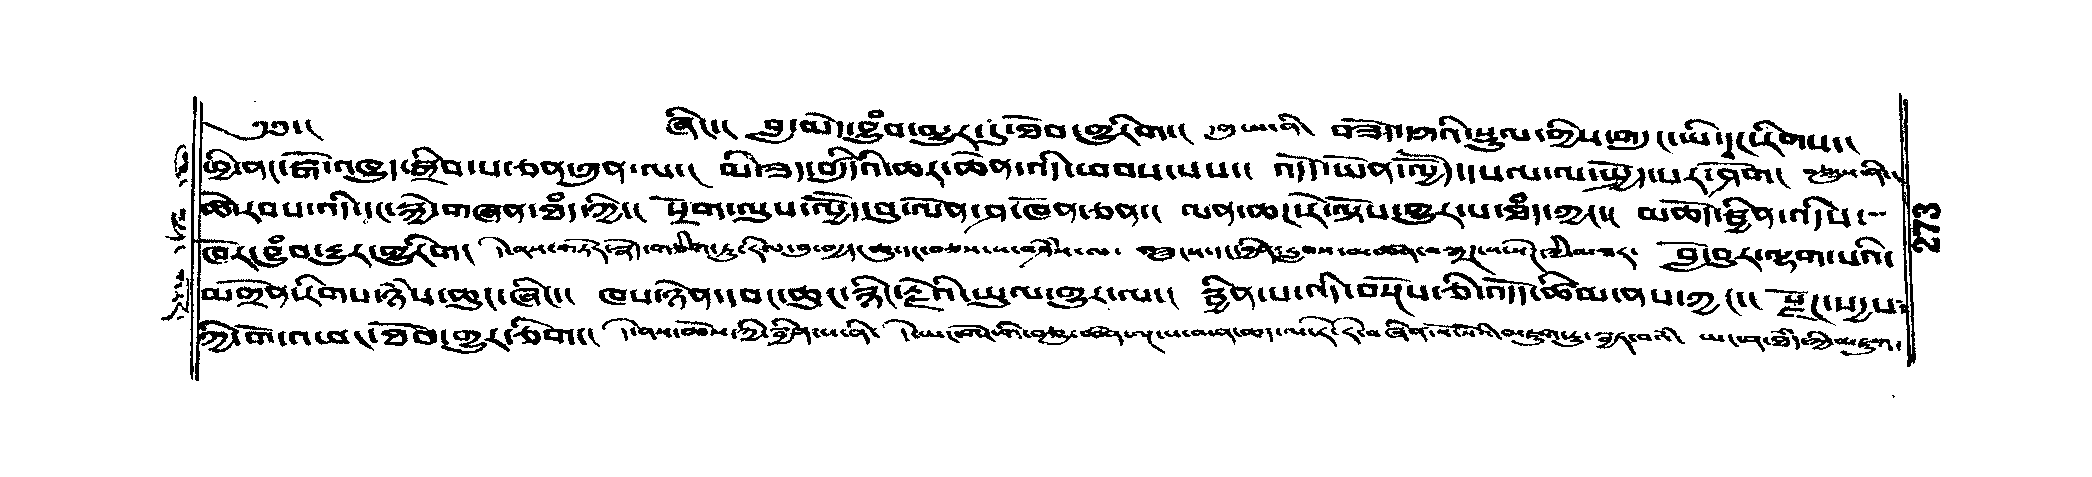ཞིང་། །བླ་མེད་བྱང་ཆུབ་མྱུར་དུ་ཐོབ་གྱུར་ཅིག་། དགུ་པ་ནི། བཟོད་དཀའི་སྡུག་བསྔལ་གྱིས་གདུང་ཡི་དྭགས་རིགས། །
ཕྱི་ནང་སྒོ་འཁྱུད་སྒྲིབ་པ་ཅན་ཀུན་ལ། །མི་ཟད་བདུད་རྩིའི་ཆར་ཆེན་འདི་ཕབས་པས། །འདོད་ཡོན་ལོངས་སྤྱོད་དཔལ་ལ་སྤྱོད་པར་ཤོག་བཅུ་པ་ནི། 
ཚེ་རབས་འདི་དང་སྐྱེ་གཞན་ཐམས་ཅད་ཀྱི། །སྲོག་ལུས་ལོངས་སྤྱོད་བུ་ལོན་ཤ་འཁོན་ཅན།། ལན་ཆགས་རེ་ལྟོས་གྱུར་པ་ཐམས་ཅད་ཀྱང་། །མཆོད་སྦྱིན་འདིས་
འཁོར་བྱང་ཆུབ་རྒྱུར་གྱུར་ཅིག་དེ་ནས་གཏོར་སྣོད་གཅིག་ཏུ་རིལ་བུ་བརྒྱད་ཆུ་དང་བཅས་པ་བཤམས་ལ། གཟུངས་དང་བྱིན་རླབས་མཚན་གྲགས་པ་སོགས་ཀྱི་མཐར། གློ་བུར་ལྷགས་པའི་
མགྲོན་རིགས་ཉམ་ཆུང་ཞིང་། །ཁས་ཉེན་དབང་ཆུང་སྙིང་རྗེའི་ཡུལ་གྱུར་ལ། །སྦྱིན་པ་འདི་བསྔོས་ཅི་འདོད་ཚིམ་ནས་ཀྱང་། །རྫོགས་སངས་རྒྱས་
ཀྱི་གོ་འཕང་ཐོབ་གྱུར་ཅིག་དེ་ནས་ཆོས་ཀྱི་སྦྱིན་པ་ནི། དེ་ཡང་གོང་གི་བཅུ་ཚན་ལྔ་པ་མན་ཆད་ལ་རེ་རེ་བཞིན་སོ་སོའི་མཇུག་ཏུ་སྦྱར་བའམ་ཡང་ན་ཐམས་ཅད་ཀྱི་མཇུག་